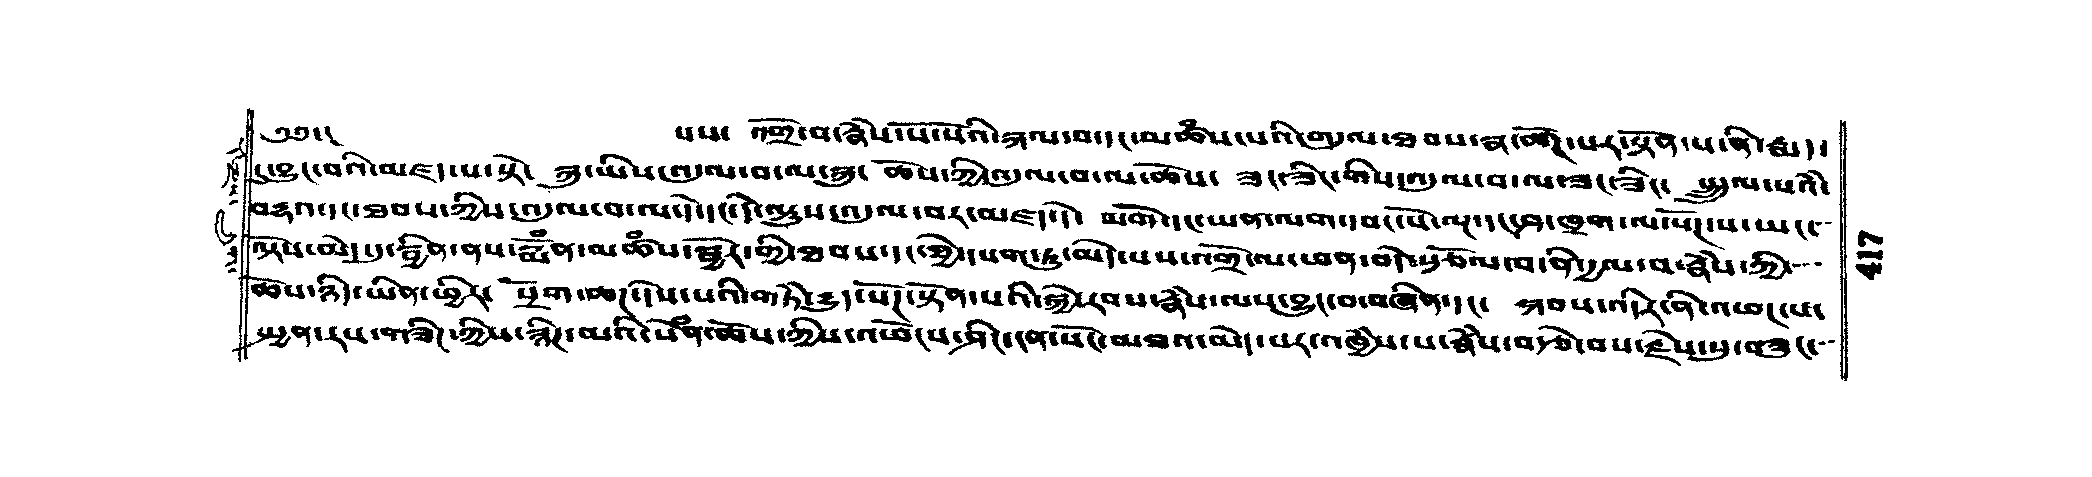པས། འགྲོ་བ་རྣམས་སོ་སོའི་སྐལ་བ་དང་འཚམས་པའི་གདུལ་ཐབས་སྣ་ཚོགས་པར་སྟོན་པ་ནི་རྨད་
དུ་བྱུང་བའི་མཛད་པ་སྟེ།སྐུ་ཡིས་འདུལ་བ་ལ་སྐུ། ཆོས་ཀྱི་འདུལ་བ་ལ་ཆོས། ཟང་ཟིང་གིས་འདུལ་བ་ལ་ཟང་ཟིང་། སྤྲུལ་པའམ་
བརྡའ་དང་ཐབས་ཀྱིས་འདུལ་བ་ལ་དེ་དང་དེ་ལྟ་བུས་འདུལ་བར་མཛད་དེ། མགོ་དང་ཡན་ལག་དབང་པོ་ལྔ་དང་ཤ་ཁྲག་ལ་སོགས་པ་ཡང་
ལྟོས་མེད་དུ་སྦྱིན་ནས་སྨོན་ལམ་མཚམས་སྦྱོར་གྱི་ཐབས་དང་ཐུགས་རྗེ་དཔག་ཏུ་མེད་པས་འགྲོ་ལ་ཕན་བདེ་རྩོལ་བ་ནི་རྒྱལ་བ་རྣམས་ཀྱི་
ཆོས་ཉིད་ཡིན་ཕྱིར། སྲོག་ཆགས་དེས་པའི་གཏམ་རྒྱུད་སོགས་སྟོན་པའི་སྐྱེ་རབས་རྣམས་ལས་བྱུང་བ་བཞིན་དང་། སྐབས་འདིར་ནི་འཕགས་པ་
སྤྱན་རས་གཟིགས་ཀྱིས་སྙིགས་མའི་སེམས་ཅན་ཆོས་ཀྱིས་འཕོངས་ཤིང་ངན་སོང་མཐའ་མེད་པར་འཁྱམས་པ་རྣམས་བརྩེ་བས་རྗེས་སུ་བཟུང་